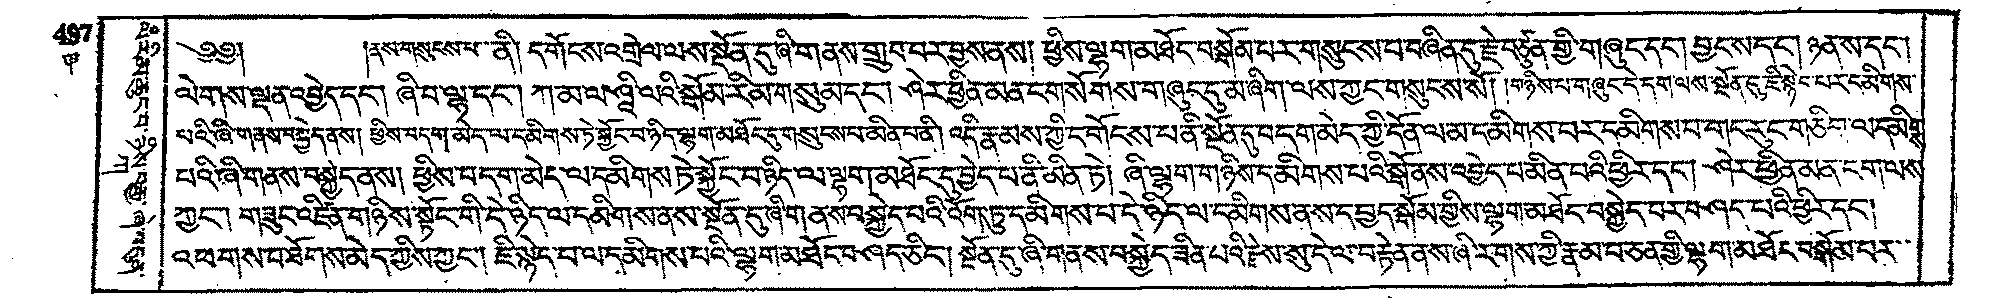༄༅། །ནས་གསུངས་པ་ནི། དགོངས་འགྲེལ་ལས་སྔོན་དུ་ཞི་གནས་གྲུབ་པར་བྱས་ནས། ཕྱིས་ལྷག་མཐོང་བསྒོམ་པར་གསུངས་པ་བཞིན་དུ་རྗེ་བཙུན་གྱི་གཞུང་དང་། བྱང་ས་དང་། ཉན་ས་དང་།
ལེགས་ལྡན་འབྱེད་དང་། ཞི་བ་ལྷ་དང་། ཀ་མ་ལ་ཤཱི་ལའི་སྒོམ་རིམ་གསུམ་དང་། ཤེར་ཕྱིན་མན་ངག་སོགས་གཞུང་དུ་མ་ཞིག་ལས་ཀྱང་གསུངས་སོ། །གཉིས་པ་གཞུང་དེ་དག་ལས་སྔོན་དུ་ཇི་སྙེད་པར་དམིགས་
པའི་ཞི་གནས་བསྐྱེད་ནས། ཕྱིས་བདག་མེད་ལ་དམིགས་ཏེ་སྐྱོང་བ་ཉིད་ལྷག་མཐོང་དུ་གསུངས་པ་མིན་པ་ནི། འདི་རྣམས་ཀྱི་དགོངས་པ་ནི་སྔོན་དུ་བདག་མེད་ཀྱི་དོན་ལ་མ་དམིགས་པར་དམིགས་པ་གང་རུང་གཅིག་ལ་དམིགས་
པའི་ཞི་གནས་བསྐྱེད་ནས། ཕྱིས་བདག་མེད་ལ་དམིགས་ཏེ་སྐྱོང་བ་ཉིད་ལ་ལྷག་མཐོང་དུ་བྱེད་པ་ནི་མིན་ཏེ། ཞི་ལྷག་གཉིས་དམིགས་པའི་སྒོ་ནས་འབྱེད་པ་མིན་པའི་ཕྱིར་དང་། ཤེར་ཕྱིན་མན་ངག་ལས་
ཀྱང་། གཟུང་འཛིན་གཉིས་སྟོང་གི་དེ་ཉིད་ལ་དམིགས་ནས་སྔོན་དུ་ཞི་གནས་བསྐྱེད་པའི་འོག་ཏུ་དམིགས་པ་དེ་ཉིད་ལ་དམིགས་ནས་དཔྱད་སྒོམ་གྱིས་ལྷག་མཐོང་བསྐྱེད་པར་བཤད་པའི་ཕྱིར་དང་།
འཕགས་པ་ཐོགས་མེད་ཀྱིས་ཀྱང་། ཇི་སྙེད་པ་ལ་དམིགས་པའི་ལྷག་མཐོང་བཤད་ཅིང་། སྔོན་དུ་ཞི་གནས་བསྐྱེད་ཟིན་པའི་རྗེས་སུ་དེ་ལ་བརྟེན་ནས་ཞི་རགས་ཀྱི་རྣམ་པ་ཅན་གྱི་ལྷག་མཐོང་བསྒོམ་པར་